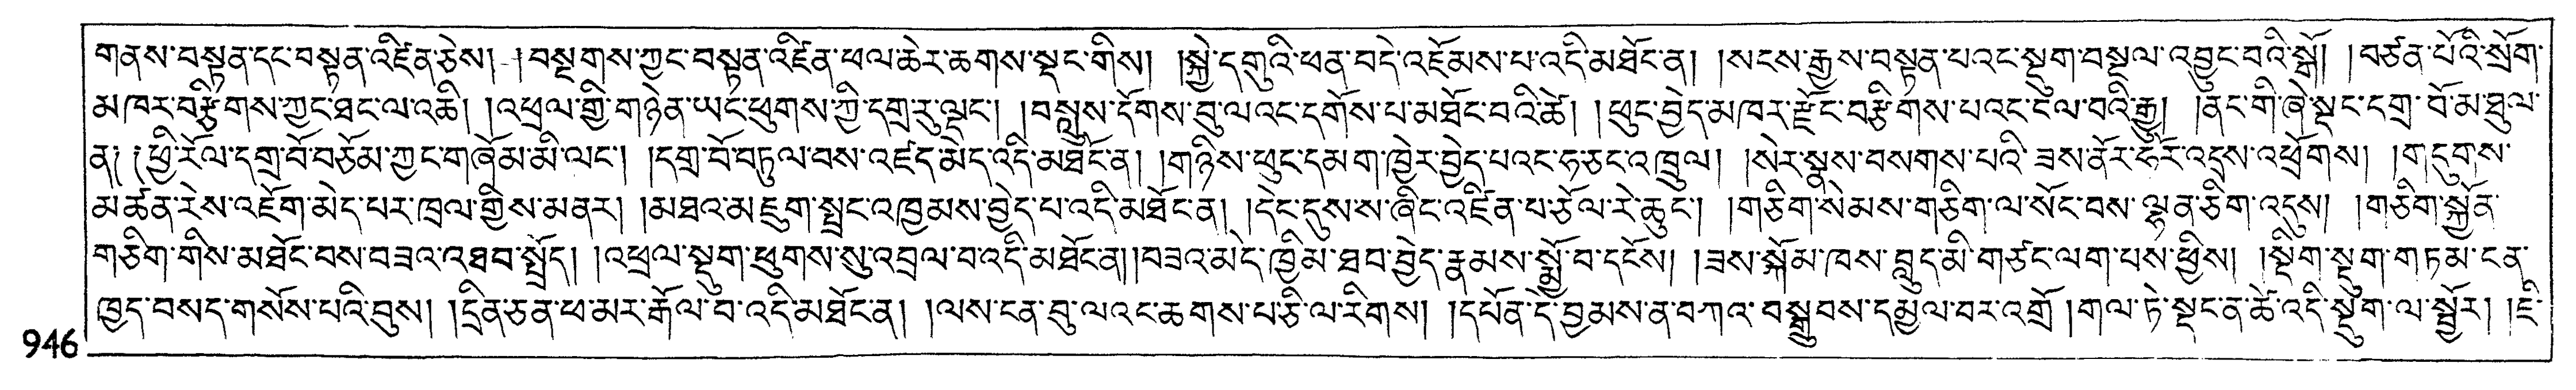གནས་བསྟན་དང་བསྟན་འཛིན་ཅེས། །བསྔགས་ཀྱང་བསྟན་འཛིན་ཕལ་ཆེར་ཆགས་སྡང་གིས། །སྐྱེ་དགུའི་ཕན་བདེ་འཇོམས་པ་འདི་མཐོང་ན། །སངས་རྒྱས་བསྟན་པའང་སྡུག་བསྔལ་འབྱུང་བའི་སྒོ། །བཙན་པོའི་སྲོག་
མཁར་བརྩིགས་ཀྱང་ཐང་ལ་འཆི། །འཕྲལ་གྱི་གཉེན་ཡང་ཕུགས་ཀྱི་དགྲ་རུ་ལྡང་། །བསླུས་དོགས་བུ་ལའང་དགོས་པ་མཐོང་བའི་ཚེ། །ཕུང་བྱེད་མཁར་རྫོང་བརྩིགས་པའང་ངལ་བའི་རྒྱུ། །ནང་གི་ཞེ་སྡང་དགྲ་བོ་མ་ཐུལ་
ན། །ཕྱི་རོལ་དགྲ་བོ་བཅོམ་ཀྱང་གཞོམ་མི་ལང་། །དགྲ་བོ་བཏུལ་བས་འཛད་མེད་འདི་མཐོང་ན། །གཉིས་ཕུང་དམག་ཁྱེར་བྱེད་པའང་ཧ་ཅང་འཁྲུལ། །སེར་སྣས་བསགས་པའི་ཟས་ནོར་ཧོར་འདྲས་འཕྲོགས། །གདུགས་
མཚན་རེས་འཇོག་མེད་པར་ཁྲལ་གྱིས་མནར། །མཐའ་མཇུག་སྤྲང་འཁྱམས་བྱེད་པ་འདི་མཐོང་ན། །དེང་དུས་ས་ཞིང་འཛིན་པ་ཅོལ་རེ་ཆུང་། །གཅིག་སེམས་གཅིག་ལ་སོང་བས་ལྷན་ཅིག་འདུས། །གཅིག་སྐྱོན་
གཅིག་གིས་མཐོང་བས་བཟའ་འཐབ་སྤྲོད། །འཕྲལ་སྡུག་ཕུགས་སུ་འབྲལ་བ་འདི་མཐོང་ན། །བཟའ་མེད་ཁྱིམ་ཐབ་བྱེད་རྣམས་སྨྱོ་བ་དངོས། །ཟས་སྐོམ་ཁས་བླུད་མི་གཙང་ལག་པས་ཕྱིས། །སྡིག་སྡུག་གཏམ་ངན་
ཁྱད་བསད་གསོས་པའི་བུས། །དྲིན་ཅན་ཕ་མར་རྒོལ་བ་འདི་མཐོང་ན། །ལས་ངན་བུ་ལའང་ཆགས་པ་ཅི་ལ་རིགས། །དཔོན་དེ་བྱམས་ན་བཀའ་བསྒྲུབས་དམྱལ་བར་འགྲོ། གལ་ཏེ་སྡང་ན་ཚེ་འདི་སྡུག་ལ་སྦྱོར། །ཇི་